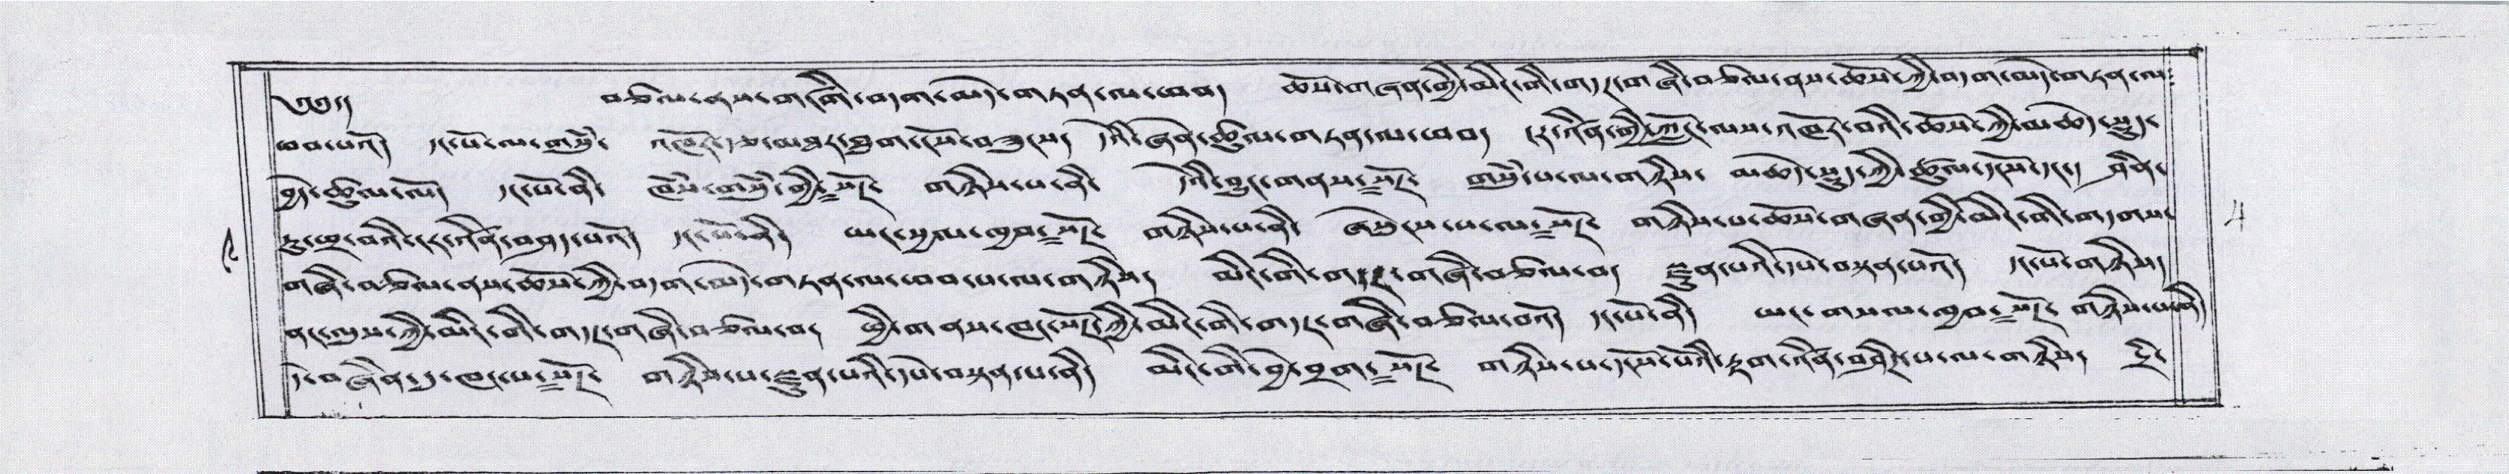བཙལ་ནས་གང་ཟག་གི་བདག་མེད་གཏན་ལ་ཕབ། ཆོས་གཞན་གྱི་མིང་གི་གདགས་གཞི་བཙལ་ནས་ཆོས་ཀྱི་བདག་མེད་གཏན་ལ་
ཕབ་པའོ། དང་པོ་ལ་གསུམ། འཁོར་རྩ་མཐར་ཐུག་ངོས་བཟུངས། དེའི་ཞེན་ཚུལ་གཏན་ལ་ཕབ། ངར་འཛིན་གྱི་ཀློང་ལས་འཁོར་བའི་ཆོས་ཀྱི་མཆེད་སྡུད་
བྱེད་ཚུལ་ལོ། དང་པོ་ནི། ཁམས་གསུམ་གྱི་་་་སོགས། གཉིས་པ་ནི། དེའི་བྱུང་གནས་་་་སོགས། གསུམ་པ་ལ་གཉིས། མཆེད་སྡུད་ཀྱི་ཚུལ་དངོས་དང། ཤིན་
ཏུ་ཕྲ་བའི་ངར་འཛིན་བཤད་པའོ། དང་པོ་ནི། ཡང་གསལ་ཁྱབ་་་་སོགས། གཉིས་པ་ནི། ཞེས་གསུངས་པ་ལ་་་་སོགས། གཉིས་པ་ཆོས་གཞན་གྱི་མིང་གི་གདགས་
གཞི་བཙལ་ནས་ཆོས་ཀྱི་བདག་མེད་གཏན་ལ་ཕབ་པ་ལ་གཉིས། མིང་གི་གདགས་གཞི་བཙལ་བ། རྫུན་པའི་དཔེ་བསྟན་པའོ། དང་པོ་གཉིས། 
ནང་ལུས་ཀྱི་མིང་གི་གདགས་གཞི་བཙལ་བ། ཕྱི་གནས་ཁང་སོགས་ཀྱི་མིང་གི་གདགས་གཞི་བཙལ་བའོ། དང་པོ་ནི། ཡང་གསལ་ཁྱབ་་་སོགས། གཉིས་པ་ནི། 
དེ་བཞིན་དུ་ཁང་པ་་་་སོགས། གཉིས་པ་རྫུན་པའི་དཔེ་བསྟན་པ་ནི། མིང་གི་བྱེ་བྲག་་་་སོགས། གཉིས་པ་དངོས་པོའི་རྟག་འཛིན་བཤིགས་པ་ལ་གཉིས། དྲི་